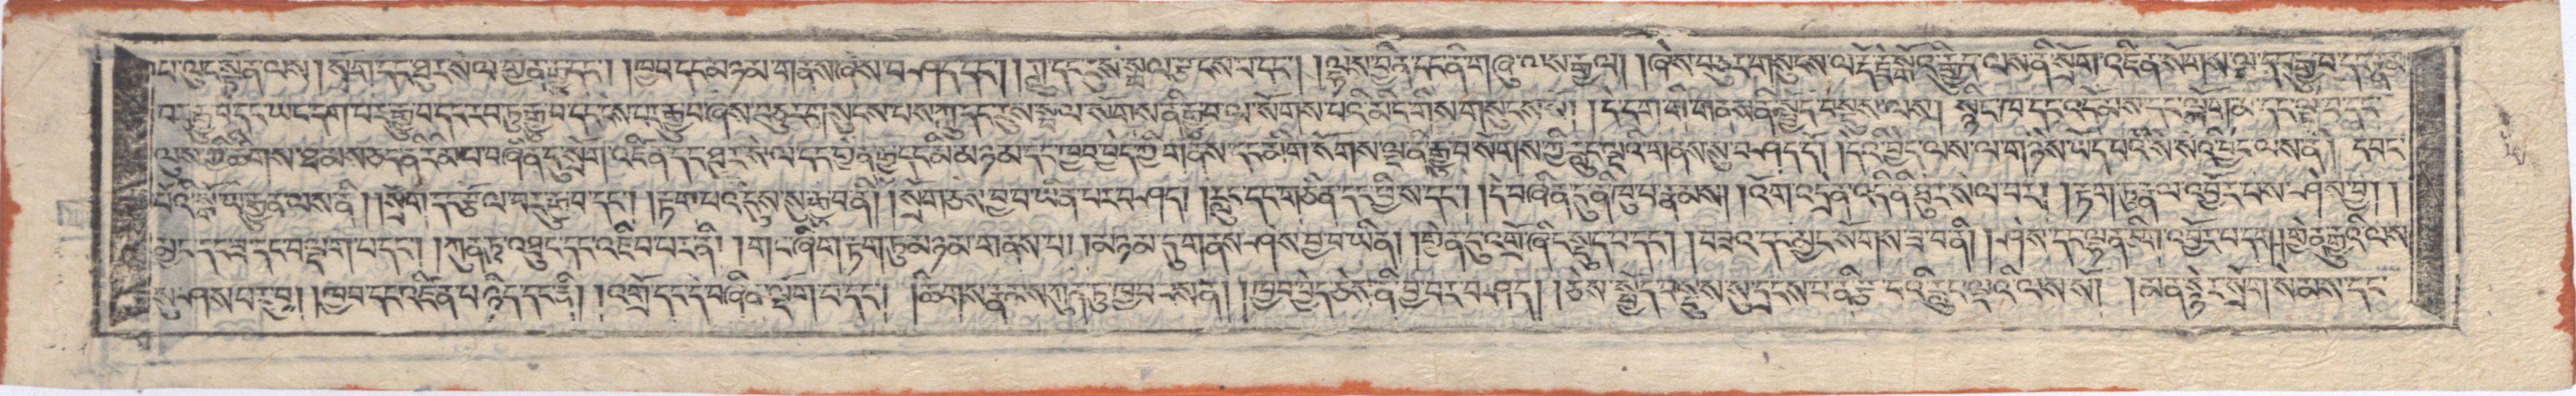པ་ལུང་སྟོན་ལས། སྲོག་དང་ཐུར་སེལ་གྱེན་རྒྱུ་དང་། །ཁྱབ་དང་མཉམ་གནས་ཞེས་བཤད་དང་། །ཀླུ་དང་རུས་སྦལ་རྩ་ངས་པ་དང་། །ལྷས་བྱིན་དང་ནི་གཞུ་ལས་རྒྱལ། །ཞེས་བཅུར་གསུངས་ལ་རྡོ་རྗེ་སྒོའི་རྒྱུད་ལས་ནི་སྲོག་འཛིན་སོགས་ལྔ་དང་རྒྱུ་བ་དང་རྣམ་
པར་རྒྱུ་བ་དང་ཡང་དག་པར་རྒྱུ་བ་དང་རབ་ཏུ་རྒྱུ་བ་དང་ངེས་པར་རྒྱུ་བ་ཞེས་བཅུར་གསུངས་པས་ཀླུ་དང་རུས་སྦལ་སོགས་ནི་རྒྱུ་བ་ལ་སོགས་པའི་མིང་གིས་གསུངས་སོ། །དེ་དག་གི་གནས་ནི་སྤྱོད་བསྡུས་ལས། སྙིང་ཁ་དང་འདོམས་དང་ལྐོག་མ་དང་ལྟེ་བ་དང་
ལུས་ཀྱི་ཚིགས་ཐམས་ཅད་ནི་རིམ་པ་བཞིན་དུ་སྲོག་འཛིན་དང་ཐུར་སེལ་དང་གྱེན་རྒྱུ་དང་མི་མཉམ་དང་ཁྱབ་བྱེད་ཀྱི་གནས་དང་མིག་སོགས་ལྔ་ནི་རྒྱུ་བ་སོགས་ཀྱི་རླུང་ལྔའི་གནས་སུ་བཤད་དོ། །དེའི་བྱེད་ལས་ལ་གཉིས་ཡོད་པའི་སོ་སོའི་བྱེད་ལས་ནི། དབང་
པོའི་སྒོ་ཡི་རྒྱུན་ལས་ནི། །སྲོག་དང་རྩོལ་བར་རྒྱུ་བ་དང་། །རྟག་པའི་དུས་སུ་རྒྱུ་བ་ནི། །སྲོག་ཅེས་བྱ་བ་ཡིན་པར་བཤད། །རླུང་དང་གཅིན་དང་ཕྱི་ས་དང་། །དེ་བཞིན་དུ་ནི་ཁུ་བ་རྣམས། །འོག་འདྲེན་འདི་ནི་ཐུར་སེལ་བར། །རྟག་ཏུ་རྣལ་འབྱོར་པས་ཤེས་བྱ། །
མྱང་དང་ཟ་དང་བལྡོག་?་པ་དང་། །ཀུན་ཏུ་འཐུང་དང་འཇིབ་པར་ནི། །གང་ཞིག་རྟག་ཏུ་མཉམ་གནས་པ། །མཉམ་དུ་གནས་ཤེས་བྱ་བ་ཡིན། །གྱེན་དུ་འགྲོ་ཞིང་སྡུད་པ་དང་། །བཟའ་དང་མྱང་སོགས་ཟ་བ་ནི། །ཤེས་དང་ལྷན་ཅིག་འབྱོར་པ་དག །གྱེན་རྒྱུའི་ལས་
སུ་ཤེས་པར་བྱ། །ཁྱབ་དང་འཛིན་པ་ཉིད་དང་ནི། །འགྲོ་དང་དེ་བཞིན་ལྡོག་པ་དང་། །ཚིགས་རྣམས་ཀུན་ཏུ་ཁྱབ་པས་ན། །ཁྱབ་བྱེད་ཅེས་ནི་བྱ་བར་བཤད། །ཅེས་སྤྱོད་བསྡུས་སུ་དྲངས་པ་ནི་རྩ་བའི་རླུང་ལྔའི་ལས་སོ། །མན་སྙེར་སྲོག་སེམས་དང་